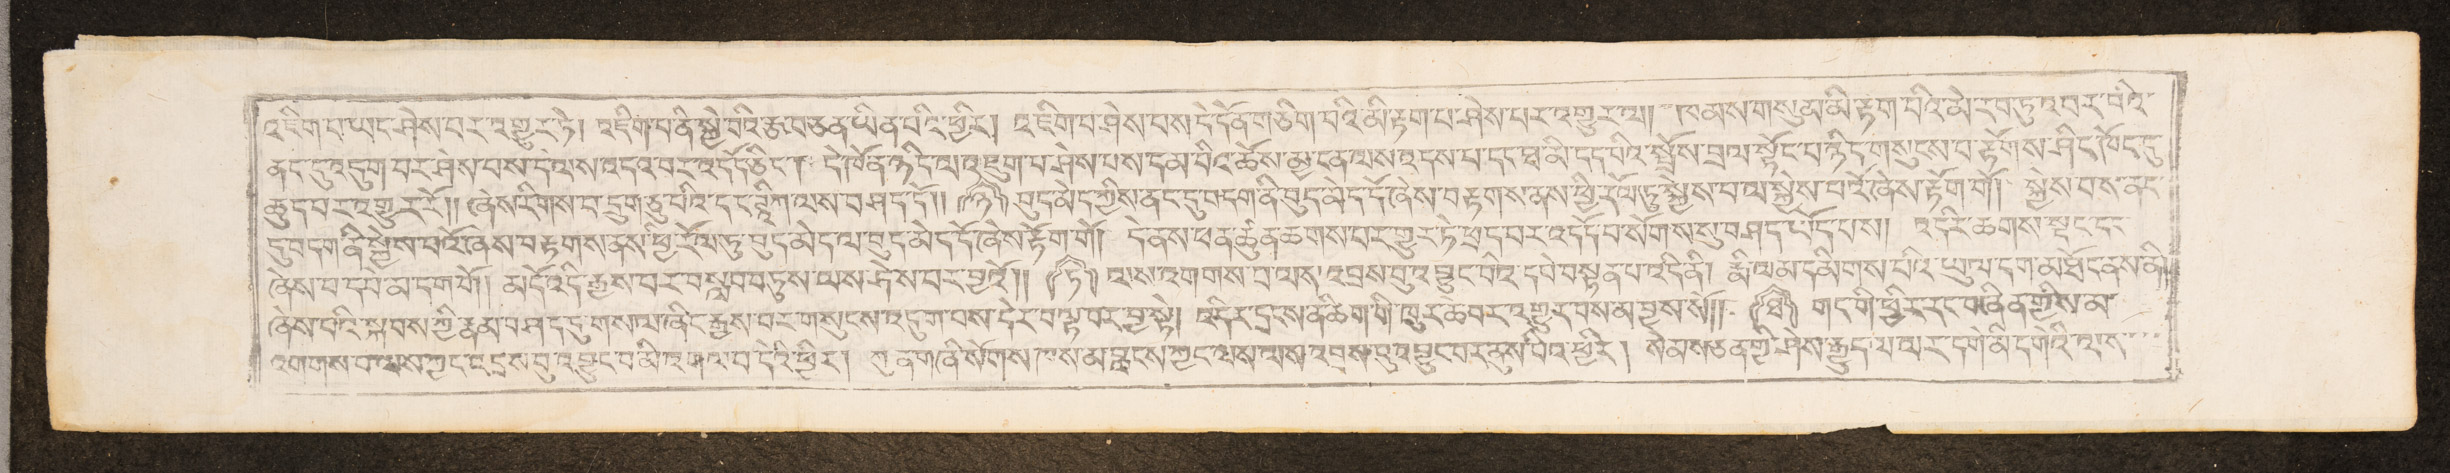འཇིག་པ་ཡང་ཤེས་པར་འགྱུར་ཏེ། འཇིག་པ་ནི་སྐྱེ་བའི་རྩ་བ་ཅན་ཡིན་པའི་ཕྱིར། འཇིག་པ་ཤེས་པར་དེ་དོན་གཅིག་པའི་མི་རྟག་པ་ཤེས་པར་འགྱུར་ལ། ཁམས་གསུམ་མི་རྟག་པའི་མེ་རབ་ཏུ་འབར་བའི་
ནང་དུ་འདུག་བར་ཤེས་པས་དེ་ལས་འདའ་བར་འདོད་ཅིང་། དེ་ཁོ་ན་ཉིད་ལ་འཇུག་པ་ཤེས་པས་དམ་པའི་ཆོས་མྱ་ངན་ལས་འདས་པ་དང་ཐ་མི་དད་པའི་སྤྲོས་བྲལ་སྟོང་པ་ཉིད་གསུངས་པ་རྟོགས་ཤིང་ཁོང་དུ་
ཆུད་པར་འགྱུར་རོ། །ཞེས་རིགས་པ་དྲུག་ཅུ་པའི་དང་ཊཱིཀ་ལས་བཤད་དོ།། ༼༽ཉ༼༽ བུད་མེད་ཀྱིས་ནང་དུ་བདག་ནི་བུད་མེད་དོ་ཞེས་བརྟགས་ནས་ཕྱི་རོལ་ཏུ་སྐྱེས་པ་ལ་སྐྱེས་པའོ་ཞེས་རྟོག་གོ། སྐྱེས་པས་ནང་
དུ་བདག་ནི་སྐྱེས་པའོ་ཞེས་བརྟགས་ནས་ཕྱི་རོལ་ཏུ་བུད་མེད་ལ་བུད་མེད་དོ་ཞེས་རྟོག་གོ། དེ་ནས་ཕན་ཚུན་ཆགས་པར་གྱུར་ཏེ་ཕྲད་པར་འདོད་པ་སོགས་སུ་བཤད་ཡོད་པས། འདིར་ཆགས་སྡང་དང་
ཞེས་པ་དཔེ་མ་དག་གོ། མདོ་འདི་རྒྱས་པར་བསླབ་བཏུས་ལས་ཤེས་པར་བྱའོ།། ༼༽ཏ༼༽ ལས་འགགས་པ་ལས་འབྲས་བུ་འབྱུང་བའི་དཔེ་བསྟན་པ་འདི་ནི། རྨི་ལམ་དམིགས་པའི་ཡུལ་དག་མཐོང་ནས་ནི།
ཞེས་པའི་སྐབས་ཀྱི་རྣམ་བཤད་དུ་གསལ་ཞིང་རྒྱས་པར་གསུངས་འདུག་པས་དེར་བ་ལྟ་བར་བྱ་སྟེ། འདིར་དྲངས་ན་ཚིག་གི་ཁུར་ཚེ་བར་འགྱུར་བས་མ་བྱས་སོ།། ༼༽ཐ༼༽ གང་གི་ཕྱིར་རང་བཞིན་གྱིས་མ་
འགགས་པ་ལས་ཀྱང་འབྲས་བུ་འབྱུང་བ་མི་འགལ་བ་དེའི་ཕྱིར། ཀུན་གཞི་སོགས་ཁས་མ་བླངས་ཀྱང་ལས་ལས་འབྲས་བུ་འབྱུང་བར་ནུས་པའི་ཕྱིར། སེམས་ཅན་གྱི་ཤེས་རྒྱུད་ལ་ལར་དགེ་མི་དགེའི་ལས་